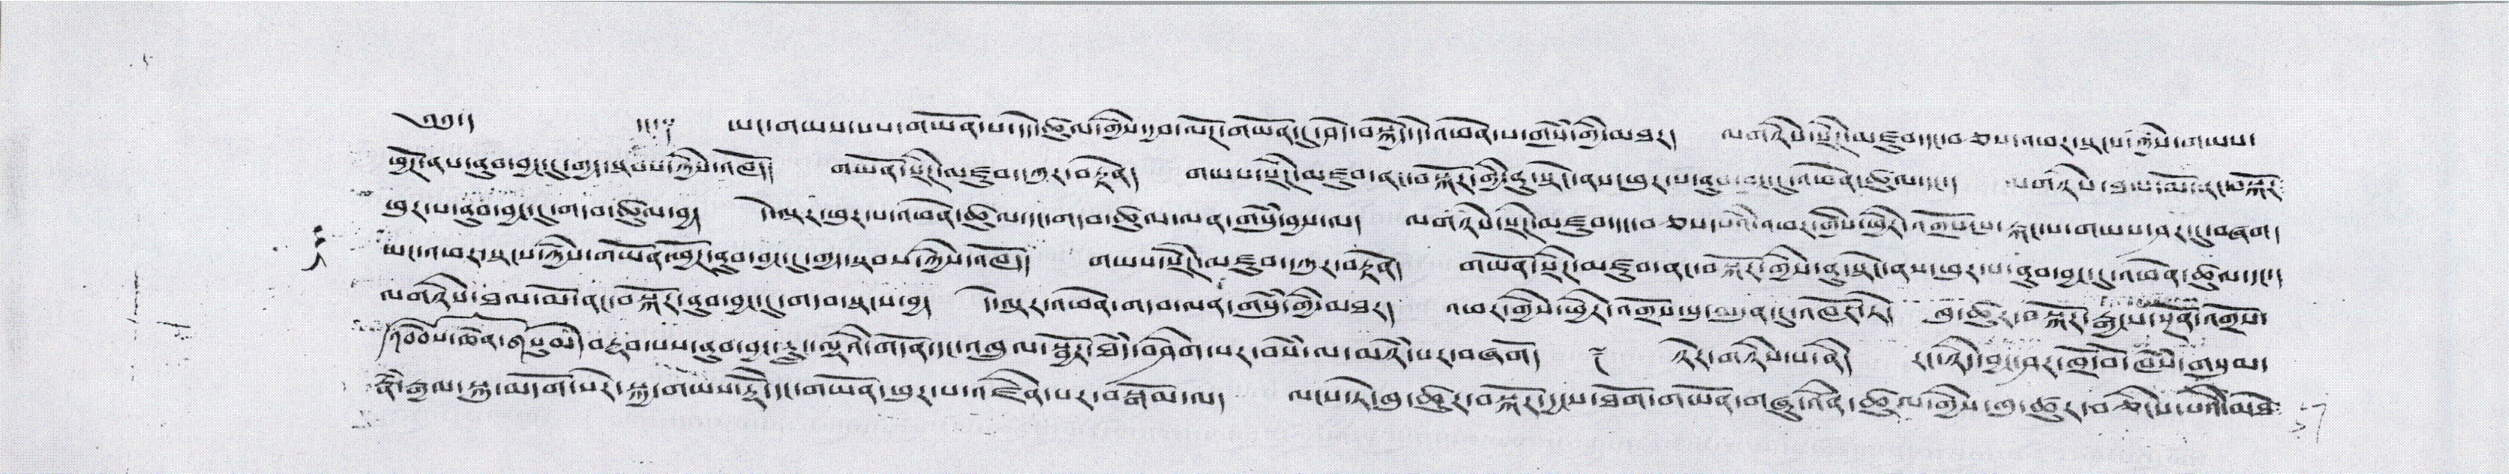དང་། ཡང་གཡས་པས་གཡོན་པ་དེད་ཚུལ་གྱིས་རྒྱབ་ལོགས་གཡོན་དུ་ཤེད་བསྐྱེད་དེ་འཕེན་པ་གསུམ་གྱི་མཐར། ལག་གཉིས་སྡིགས་མཛུབ་དང་བཅས་འཕར་སྟངས་ཀྱིས་གཡས་
ཕྱོགས་ནས་ནུབ་བྱང་དུ་གྱད་སྟབས་ཀྱིས་འཁོད། གཡོན་སྡིགས་མཛུབ་དཀུར་བརྟེན། གཡས་སྡིགས་མཛུབ་ནང་བསྐོར་གྱི་ནུ་སྟེང་ནས་ནུ་སྟེང་ནས་ཕུར་པ་ནུབ་བྱང་དུ་འཕེན་ཚུལ་དང་། ལག་གཉིས་ཐལ་མོ་ནང་བསྐོར་
ཕུར་པ་ནུབ་བྱང་དུ་གདབ་ཚུལ་བྱ། དེ་ལྟར་ཕུར་པ་འཕེན་ཚུལ་དང་གདབ་ཚུལ་ལན་གསུམ་བྱས་ལ། ལག་གཉིས་སྡིགས་མཛུབ་དང་བཅས་པའི་འཕར་གྱིས་ཕྱིར་འགྲོས་སུ་རྐང་པ་གཡས་ཤར་དུ་བཞག 
ཡང་འཕར་སྟངས་ཀྱིས་གཡོན་ཕྱོགས་ནུབ་བྱང་དུ་གྱད་སྟབས་ཀྱིས་འཁོད། གཡོན་སྡིགས་མཛུབ་དཀུར་བརྟེན། གཡས་སྡིགས་མཛུབ་ནང་བསྐོར་གྱིས་ནུ་སྟེང་ནས་ཕུར་པ་ནུབ་བྱང་དུ་འཕེན་ཚུལ་དང་། 
ལག་གཉིས་ཐལ་མོ་ནང་བསྐོར། ཕུར་པ་ནུབ་བྱང་དུ་གདབ་ཚུལ་བྱ། དེ་ལྟར་འཕེན་གདབ་ལན་གསུམ་གྱི་མཐར། འཕར་གྱིས་ཕྱིར་འགྲོས་སུ་མདུན་དུ་འཁོར་ཏེ་ཁུ་ཚུར་བསྐོར་རྒྱངས་སྔོན་སྔོན་འགྲོས་
༼འབེབས་ཆེན་གསུམ༽བརྡབ་པས་ནུབ་བྱང་རླུང་ལྷའི་གདོན་དང་འཁྲུལ་སྦྱོར་ཐམས་ཅད་བཤིག་པར་བསམ་ལ་མཉམ་པར་བཞག་གོ། ༧ ཉེར་གཉིས་པ་ནི། རང་ཉིད་བྱང་ཤར་ཁྲོ་བོ་ཁམས་གསུམ་
རྣམ་རྒྱལ་སྐུ་མདོག་སེར་སྐྱ་གཡས་རྡོ་རྗེ་དང་གཡོན་ཕུར་པ་འཛིན་པར་བསྒོམ་ལ། ལངས་ཏེ་ཁུ་ཚུར་བསྐོར་རྒྱངས་ཐོག་གཡོན་གཞུ་འཛིན་ཚུལ་གྱིས་ཁུ་ཚུར་བཅིངས་པའི་མཐེ་